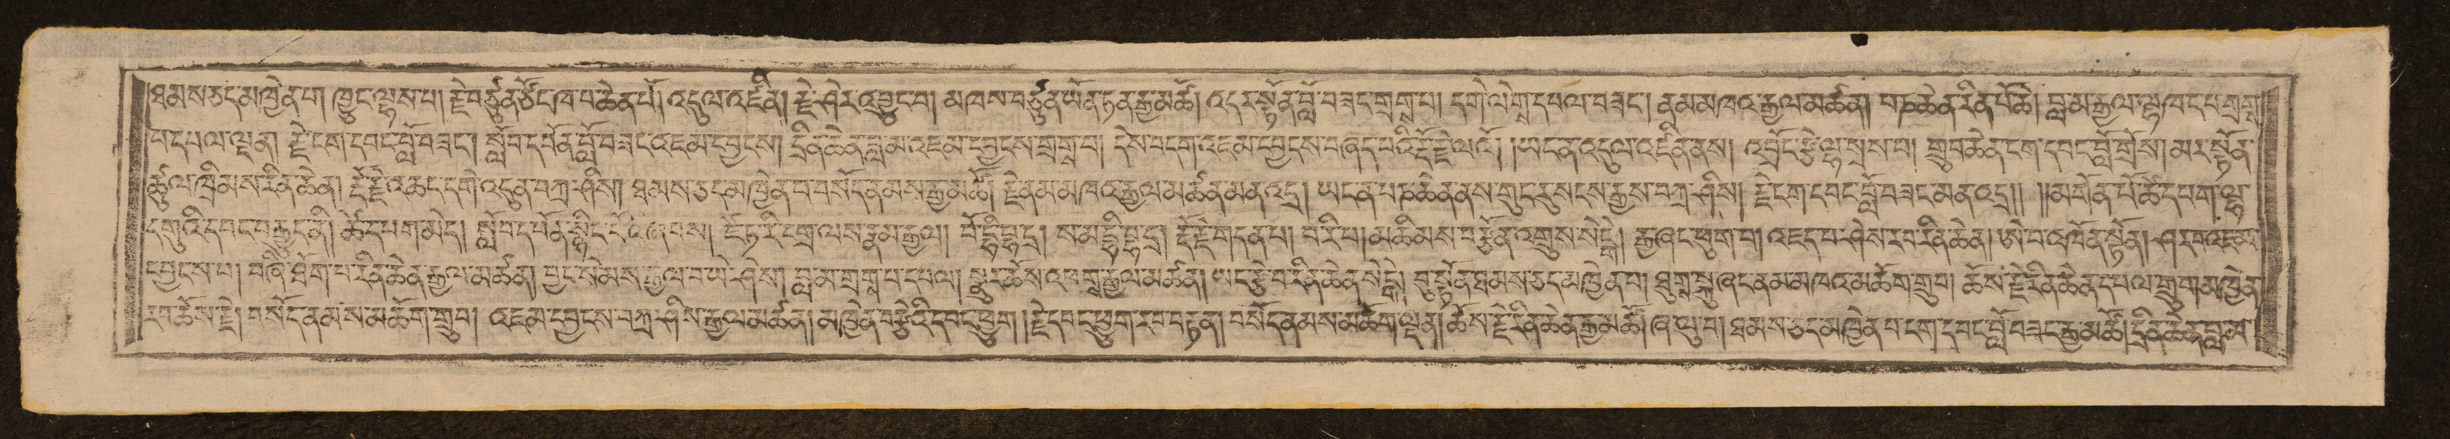ཐམས་ཅད་མཁྱེན་པ། ཁྱུང་ལྷས་པ། རྗེ་བཙུན་ཙོང་ཁ་པ་ཆེན་པོ། འདུལ་འཛིན། རྗེ་ཤེར་འབྱུང་བ། མཁས་བཙུན་ཡོན་ཏན་རྒྱ་མཚོ། འདར་སྟོན་བློ་བཟང་གྲགས་པ། དགེ་ལེགས་དཔལ་བཟང་། ནམ་མཁའ་རྒྱལ་མཚན། པཎ་ཆེན་རིན་པོ་ཆེ། བླ་མ་རྒྱལ་ལྷ་ཁང་པ་གྲགས་
པ་དཔལ་ལྡན། རྗེ་དག་དབང་བློ་བཟང་། སློབ་དཔོན་བློ་བཟང་འཇམ་དབྱངས། བྲིན་ཆེན་བླ་མ་འཇམ་དབྱངས་གྲགས་པ། དེས་བདག་འཇམ་དབྱངས་བཞད་པའི་རྡོ་རྗེ་ལའོ། །ཡང་ན་འདུལ་འཛིན་ནས། འབྲོང་རྩེ་ལྷ་སྲས་པ། གྲུབ་ཆེན་ངག་དབང་བློ་གྲོས་མར་སྟོན་
ཚུལ་ཁྲིམས་རིན་ཆེན། རྡོ་རྗེ་འཆད་དགེ་འདུན་བཀྲ་ཤིས། ཐམས་ཅད་མཁྱེན་པ་བསོད་ནམས་རྒྱ་མཚོ། རྗེ་ནམ་མཁའ་རྒྱལ་མཚན་མན་འདྲ། ཡང་ན་པཎ་ཆེན་ནས་གུང་རུ་སངས་རྒྱས་བཀྲ་ཤིས། རྗེ་ངག་དབང་བློ་བཟང་མན་འདྲ།། །།མགོན་པོ་ཚེ་དཔག་ལྷ་
དགུའི་དབང་བརྒྱུད་ནི། ཚེ་དཔག་མེད། སློབ་དཔོན་སྙིང་པོའི་ཞབས། ཛེ་ཏ་རིང་འགྲ་ལས་རྣམ་རྒྱལ། པོདྷི་བྷ་དྲ། ས་མ་དྷི་བྷ་དྲ། རྡོ་རྗེ་གདན་པ། བ་རི་པ། མཆིམས་བརྩོན་འགྲུས་སེངྒེ། རྒྱ་ཞང་ཕུག་བ། འཇད་པ་ཤེས་རབ་རིན་ཆེན། ཨེ་བ་འཁོན་སྟོན། ཤར་བ་འཇམ་
དབྱངས་པ། བཞི་ཐོག་པ་རིན་ཆེན་རྒྱལ་མཚན། བྱང་སེམས་རྒྱལ་པ་ཡེ་ཤེས། བླ་མ་གྲགས་པ་དཔལ། སྣུར་ཆོས་འཕགས་རྒྱལ་མཚན། ཡང་རྩེ་པ་རིན་ཆེན་སེངྒེ། བུ་སྟོན་ཐམས་ཅད་མཁྱེན་པ། ཐུགས་སྐུ་ཞང་ནམ་མཁའ་མཆོག་གྲུབ། ཆོས་རྗེ་རིན་ཆེན་དཔལ་གྲུག་མཁྱེན་
རབ་ཆོས་རྗེ། བསོད་ནམས་མཆོག་གྲུབ། འཇམ་དབྱངས་བཀྲ་ཤིས་རྒྱལ་མཚན། མཁྱེན་?་དབང་ཕྱུག །རྗེ་དབང་ཕྱུག་རབ་བརྟན། བསོད་ནམས་མཆོག་ལྡན། ཆོས་རྗེ་རིན་ཆེན་རྒྱ་མཚོ། ཞ་ལུབ། ཐམས་ཅད་མཁྱེན་པ་ངག་དབང་བློ་བཟང་རྒྱ་མཚོ་དྲིན་ཆེན་བླ་མ་